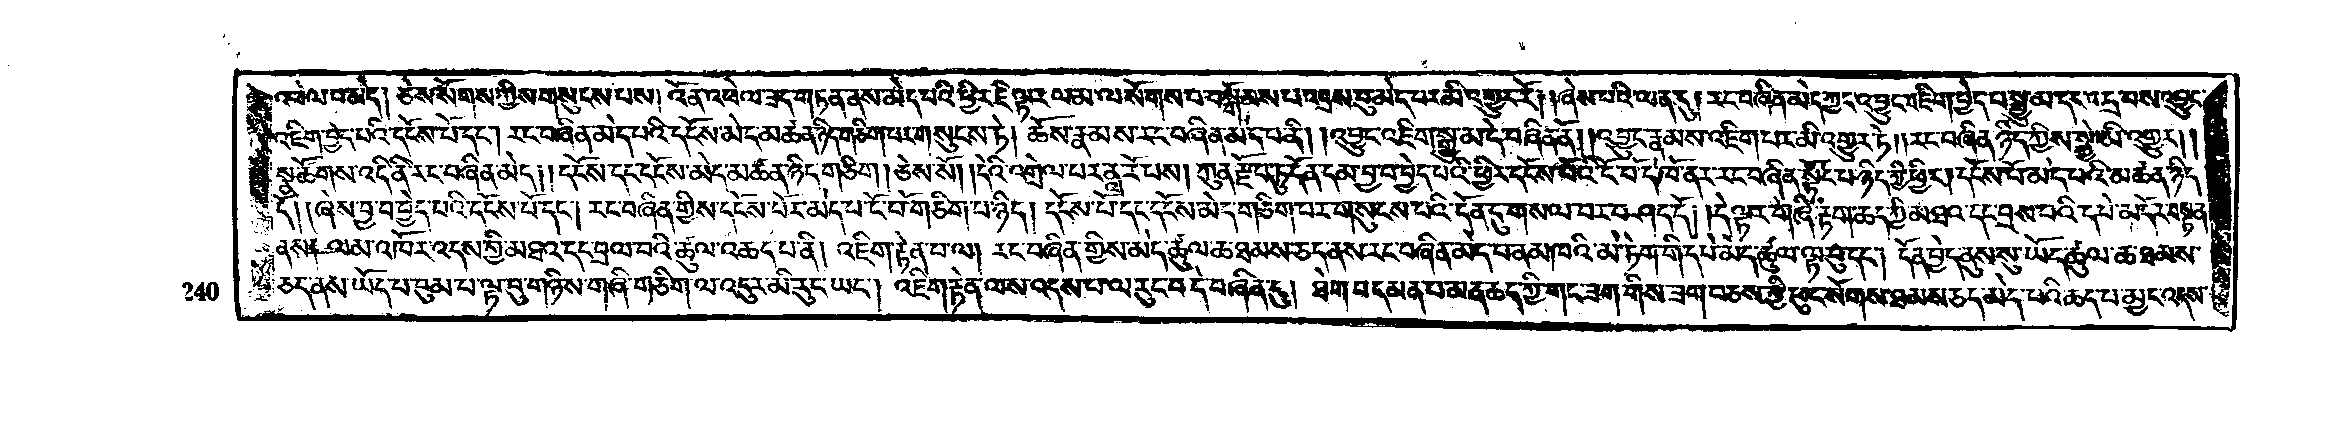འཕེལ་བ་མེད། ཅེས་སོགས་ཀྱིས་གསུངས་པས། འོ་ན་འཕེལ་ཟད་གཏན་ནས་མེད་པའི་ཕྱིར་ཇི་ལྟར་ལམ་ལ་སོགས་པ་བསྒོམས་པ་འབྲས་བུ་མེད་པར་མི་འགྱུར་རོ། །ཞེས་པའི་ལན་དུ། རང་བཞིན་མེད་ཀྱང་འབྱུང་འཇིག་བྱེད་པ་སྒྱུ་མ་དང་འདྲ་བས་འབྱུང་
འཇིག་བྱེད་པའི་དངོས་པོ་དང་། རང་བཞིན་མེད་པའི་དངོས་མེད་མཚན་ཉིད་གཅིག་པར་གསུངས་ཏེ། ཆོས་རྣམས་རང་བཞིན་མེད་པ་ནི། འབྱུང་འཇིག་སྒྱུ་མ་དེ་བཞིན་ནོ། །འབྱུང་རྣམས་འཇིག་པར་མི་འགྱུར་ཏེ། །རང་བཞིན་ཉིད་ཀྱིས་སྐྱེ་མི་འགྱུར། །
སྣ་ཚོགས་འདི་ནི་རང་བཞིན་མེད། །དངོས་དང་དངོས་མེད་མཚན་ཉིད་གཅིག །ཅེས་སོ། །དེའི་འགྲེལ་པར་ནཱ་རོ་པས། ཀུན་རྫོབ་ཏུ་དོན་དམ་བྱ་བ་བྱེད་པའི་ཕྱིར་དངོས་པོའི་ངོ་བོ་དེ་ཁོ་ནར་རང་བཞིན་སྟོང་པ་ཉིད་ཀྱི་ཕྱིར། དངོས་པོ་མེད་པའི་མཚན་ཉིད་
དོ༑ ༑ཞེས་བྱ་བ་བྱེད་པའི་དངོས་པོ་དང་། རང་བཞིན་གྱིས་དངོས་པོར་མེད་པ་ངོ་བོ་གཅིག་པ་ཉིད། དངོས་པོ་དང་དངོས་མེད་གཅིག་པར་གསུངས་པའི་དོན་དུ་གསལ་བར་བཤད་དོ། །དེ་ལྟར་གཞི་རྟག་ཆད་ཀྱི་མཐའ་དང་བྲལ་བའི་དཔེ་མདོར་བསྟན་
ནས༑ ལམ་འཁོར་འདས་ཀྱི་མཐའ་དང་བྲལ་བའི་ཚུལ་འཆད་པ་ནི། འཇིག་རྟེན་པ་ལ། རང་བཞིན་གྱིས་མེད་ཚུལ་ཆ་ཐམས་ཅད་ནས་རང་བཞིན་མེད་པ་ནམ་མཁའི་མེ་ཏོག་གི་དཔེ་མེད་ཚུལ་ལྟ་བུ་དང་། དོན་བྱེད་ནུས་སུ་ཡོད་ཚུལ་ཆ་ཐམས་
ཅད་ནས་ཡོད་པ་བུམ་པ་ལྟ་བུ་གཉིས་གཞི་གཅིག་ལ་ངུར་མི་རུང་ཡང་། འཇིག་རྟེན་ལས་འདས་པ་ལ་རུང་བ་དེ་བཞིན་དུ། ཐེག་པ་དམན་པ་མན་ཆད་ཀྱི་གང་ཟག་གིས་ཟག་བཅས་ཀྱི་ཕུང་སོགས་ཐམས་ཅད་མེད་པའི་ཆད་པ་མྱང་འདས་